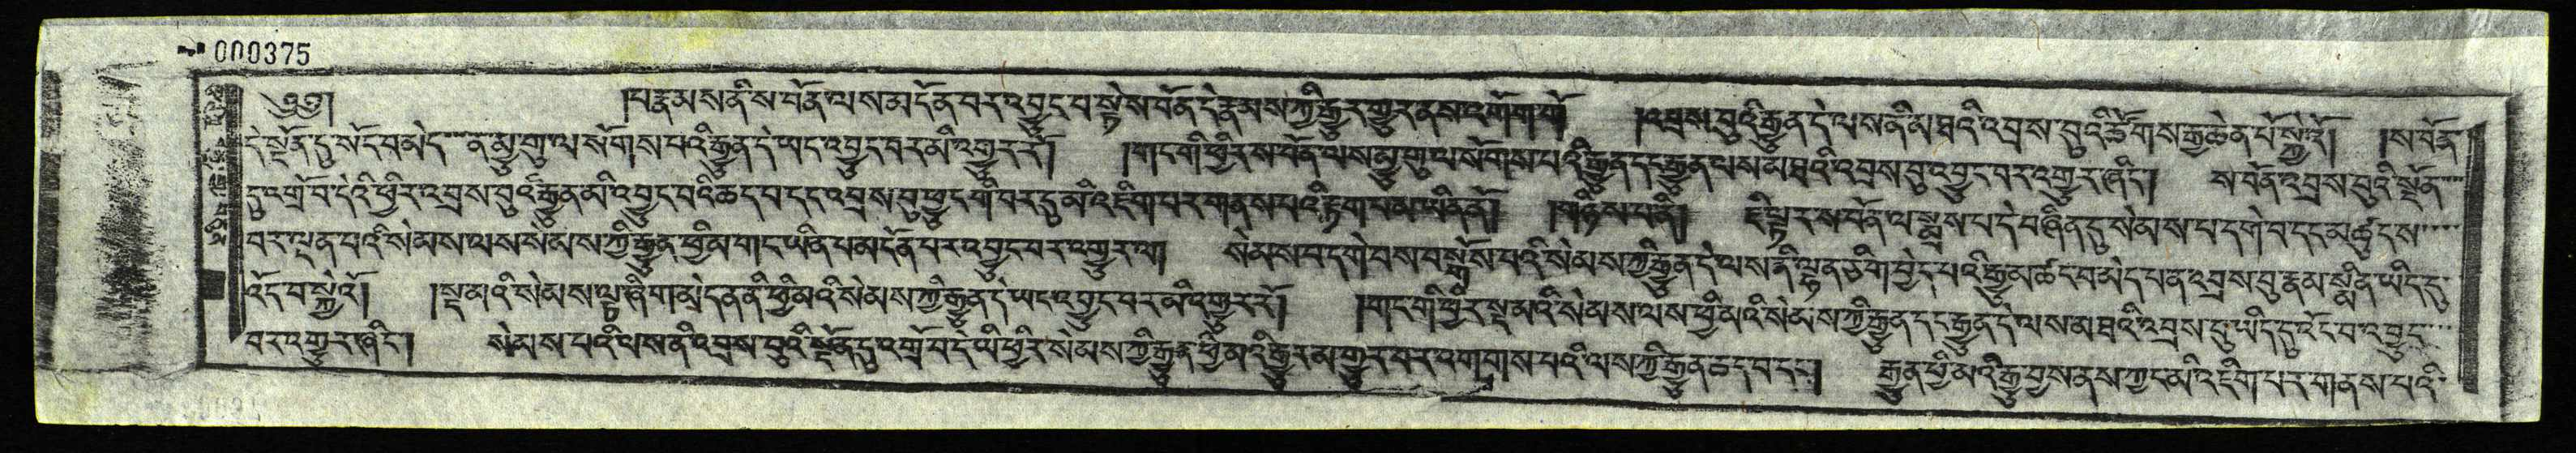༄༅། །པ་རྣམས་ནི་ས་བོན་ལས་མངོན་པར་འབྱུང་བ་སྟེ་ས་བོན་དེ་རྣམས་ཀྱི་རྒྱུར་གྱུར་ནས་འགོག་གོ །འབྲས་བུའི་རྒྱུན་དེ་ལས་ནི་མཐའི་འབྲས་བུའི་ཚོགས་རྒྱ་ཆེན་པོ་སྐྱེའོ། །ས་བོན་
དེ་སྔོན་དུ་སོང་བ་མེད་ན་མྱུ་གུ་ལ་སོགས་པའི་རྒྱུན་དེ་ཡང་འབྱུང་བར་མི་འགྱུར་རོ། །གང་གི་ཕྱིར་ས་བོན་ལས་མྱུ་གུ་ལ་སོགས་པའི་རྒྱུན་དང་རྒྱུན་ལས་མཐའི་འབྲས་བུ་འབྱུང་བར་འགྱུར་ཞིང་། ས་བོན་འབྲས་བུའི་སྔོན་
དུ་འགྲོ་བ་དེའི་ཕྱིར་འབྲས་བུའི་རྒྱུན་མི་འབྱུང་བའི་ཆད་པ་དང་འབྲས་བུ་ཕྱུང་གི་བར་དུ་མི་འཇིག་པར་གནས་པའི་རྟག་པ་མ་ཡིན་ནོ། །གཉིས་པ་ནི། ཇི་ལྟར་ས་བོན་ལ་སྨྲས་པ་དེ་བཞིན་དུ་སེམས་པ་དགེ་བ་དང་མཚུངས་
བར་ལྡན་པའི་སེམས་ལས་སེམས་ཀྱི་རྒྱུན་ཕྱི་མ་གང་ཡིན་པ་མངོན་པར་འབྱུང་བར་འགྱུར་ལ། སེམས་པ་དགེ་བས་བསྒོས་པའི་སེམས་ཀྱི་རྒྱུན་དེ་ལས་ནི་ལྷན་ཅིག་བྱེད་པའི་རྒྱུ་མ་ཚང་བ་མེད་པ་ན་འབྲས་བུ་རྣམ་སྨིན་ཡིད་དུ་
འོང་བ་སྐྱེའོ། །སྔ་མའི་སེམས་ལྟ་ཞིག་མེད་ན་ནི་ཕྱི་མའི་སེམས་ཀྱི་རྒྱུན་དེ་ཡང་འབྱུང་བར་མི་འགྱུར་རོ། །གང་གི་ཕྱིར་སྔ་མའི་སེམས་ལས་ཕྱི་མའི་སེམས་ཀྱི་རྒྱུན་དང་རྒྱུན་དེ་ལས་མཐའི་འབྲས་བུ་ཡིད་དུ་འོང་བ་འབྱུང་
བར་འགྱུར་ཞིང་། སེམས་པའི་ལས་ནི་འབྲས་བུའི་སྔོན་དུ་འགྲོ་བ་དེ་ཡི་ཕྱིར་སེམས་ཀྱི་རྒྱུན་ཕྱི་མའི་རྒྱུར་མ་གྱུར་བར་འགགས་པའི་ལས་ཀྱི་རྒྱུན་ཆད་པ་དང་། རྒྱུན་ཕྱི་མའི་རྒྱུ་བྱས་ནས་ཀྱང་མི་འཇིག་པར་གནས་པའི་